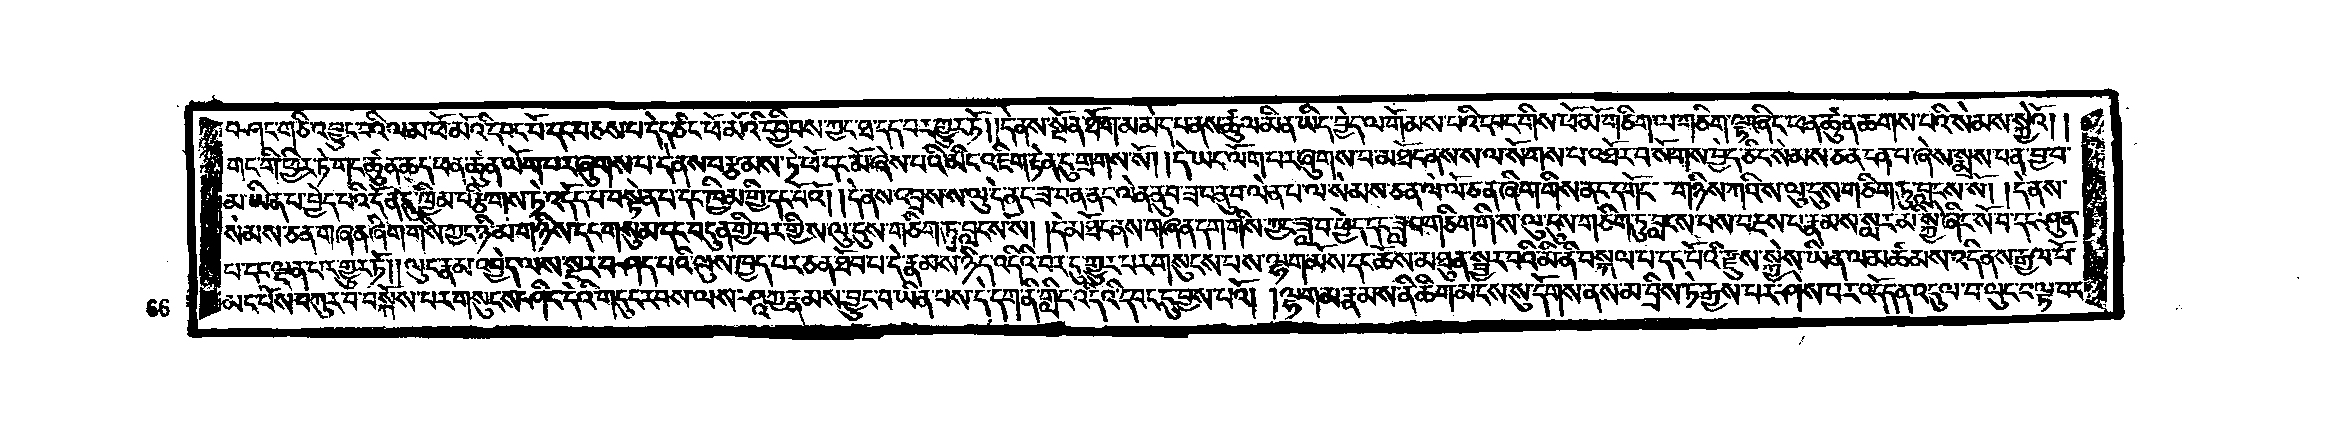བཤང་གཅི་འབྱུང་བའི་ལམ་ཕོ་མོའི་དབང་པོ་དང་བཅས་པ་དོད་ཅིང་ཕོ་མོའི་དབྱིབས་ཀྱང་ཐ་དད་པར་གྱུར་ཏེ། །དེ་ནས་སྔོན་ཐོག་མ་མེད་པ་ནས་ཚུལ་མིན་ཡིད་བྱེད་ལ་གོམས་པའི་དབང་གིས་ཕོ་མོ་གཅིག་ལ་གཅིག་ལྟ་ཞིང་ཕན་ཚུན་ཆགས་པའི་སེམས་སྐྱེའོ། །
གང་གི་ཕྱིར་ཏེ་གང་ཚུན་ཆད་ཕན་ཚུན་ལོག་པར་ཞུགས་པ་དེ་ནས་བརྩམས་ཏེ་ཕོ་དང་མོ་ཞེས་པའི་མིང་འཇིག་རྟེན་དུ་གྲགས་སོ། །དེ་ཡང་ལོག་པར་ཞུགས་པ་མཐོང་ནས་ས་ལ་སོགས་པ་འཐོར་བ་སོགས་བྱེད་ཅིང་སེམས་ཅན་ངན་པ་ཞེས་སྨྲས་པ་ན་བྱ་བ་
མ་ཡིན་པ་བྱེད་པའི་དོན་དུ་ཁྱིམ་བརྩིགས་ཏེ་འདོད་པ་བསྟེན་པ་དང་ཁྱིམ་གྱི་དང་པོའོ། །དེ་ནས་འབྲས་ས་ལུ་དེ་ནང་ཟ་བ་ན་ནང་ལེན་ནུབ་ཟ་བ་ནུབ་ལེན་པ་ལ་སེམས་ཅན་ལེ་ལོ་ཅན་ཞིག་གིས་ནང་དགོང་གཉིས་ཀའི་ས་ལུ་དུས་གཅིག་ཏུ་བླངས་སོ། །དེ་ནས་
སེམས་ཅན་གཞན་ཞིག་གིས་ཀྱང་ཉི་མ་གཉིས་དང་གསུམ་དང་བདུན་གྱི་བར་གྱི་ས་ལུ་དུས་གཅིག་ཏུ་བླངས་སོ། །དེ་མཐོང་ནས་གཞན་དག་གིས་ཀྱང་ཟླ་བ་ཕྱེད་དང་ཟླ་བ་གཅིག་གི་ས་ལུ་དུས་གཅིག་ཏུ་བླངས་པས་བརྔས་པ་རྣམས་སླར་མི་སྐྱེ་ཞིང་སོ་བ་དང་ཤུན་
པ་དང་ལྡན་པར་གྱུར་ཏོ། །ལུང་རྣམ་འབྱེད་ལས་སྔར་བཤད་པའི་ལུས་ཁྱད་པར་ཅན་ཐོབ་པ་དེ་རྣམས་ཉིད་འདིའི་བར་དུ་གྱུར་པར་གསུངས་པས་ལྷག་མོས་དང་ཆོས་མཐུན་སྦྱར་བའི་མི་ནི་བསྐལ་པ་དང་པོའི་རྫུས་སྐྱེས་ཡིན་ལ་མཚམས་འདི་ནས་རྒྱལ་པོ་
མང་པོས་བཀུར་བ་བསྐོས་པར་གསུངས་ཤིང་དེའི་གདུང་རབས་ལས་ཤཱཀྱ་རྣམས་བྱུང་བ་ཡིན་པས་དེ་དག་ནི་གླིང་འདིའི་དབང་དུ་བྱས་པའོ། །ལྷག་མ་རྣམས་ནི་ཚིག་མངས་སུ་དོགས་ནས་མ་བྲིས་ཏེ་རྒྱས་པར་ཤེས་པར་འདོད་ན་འདུལ་བ་ལུང་བལྟ་བར་